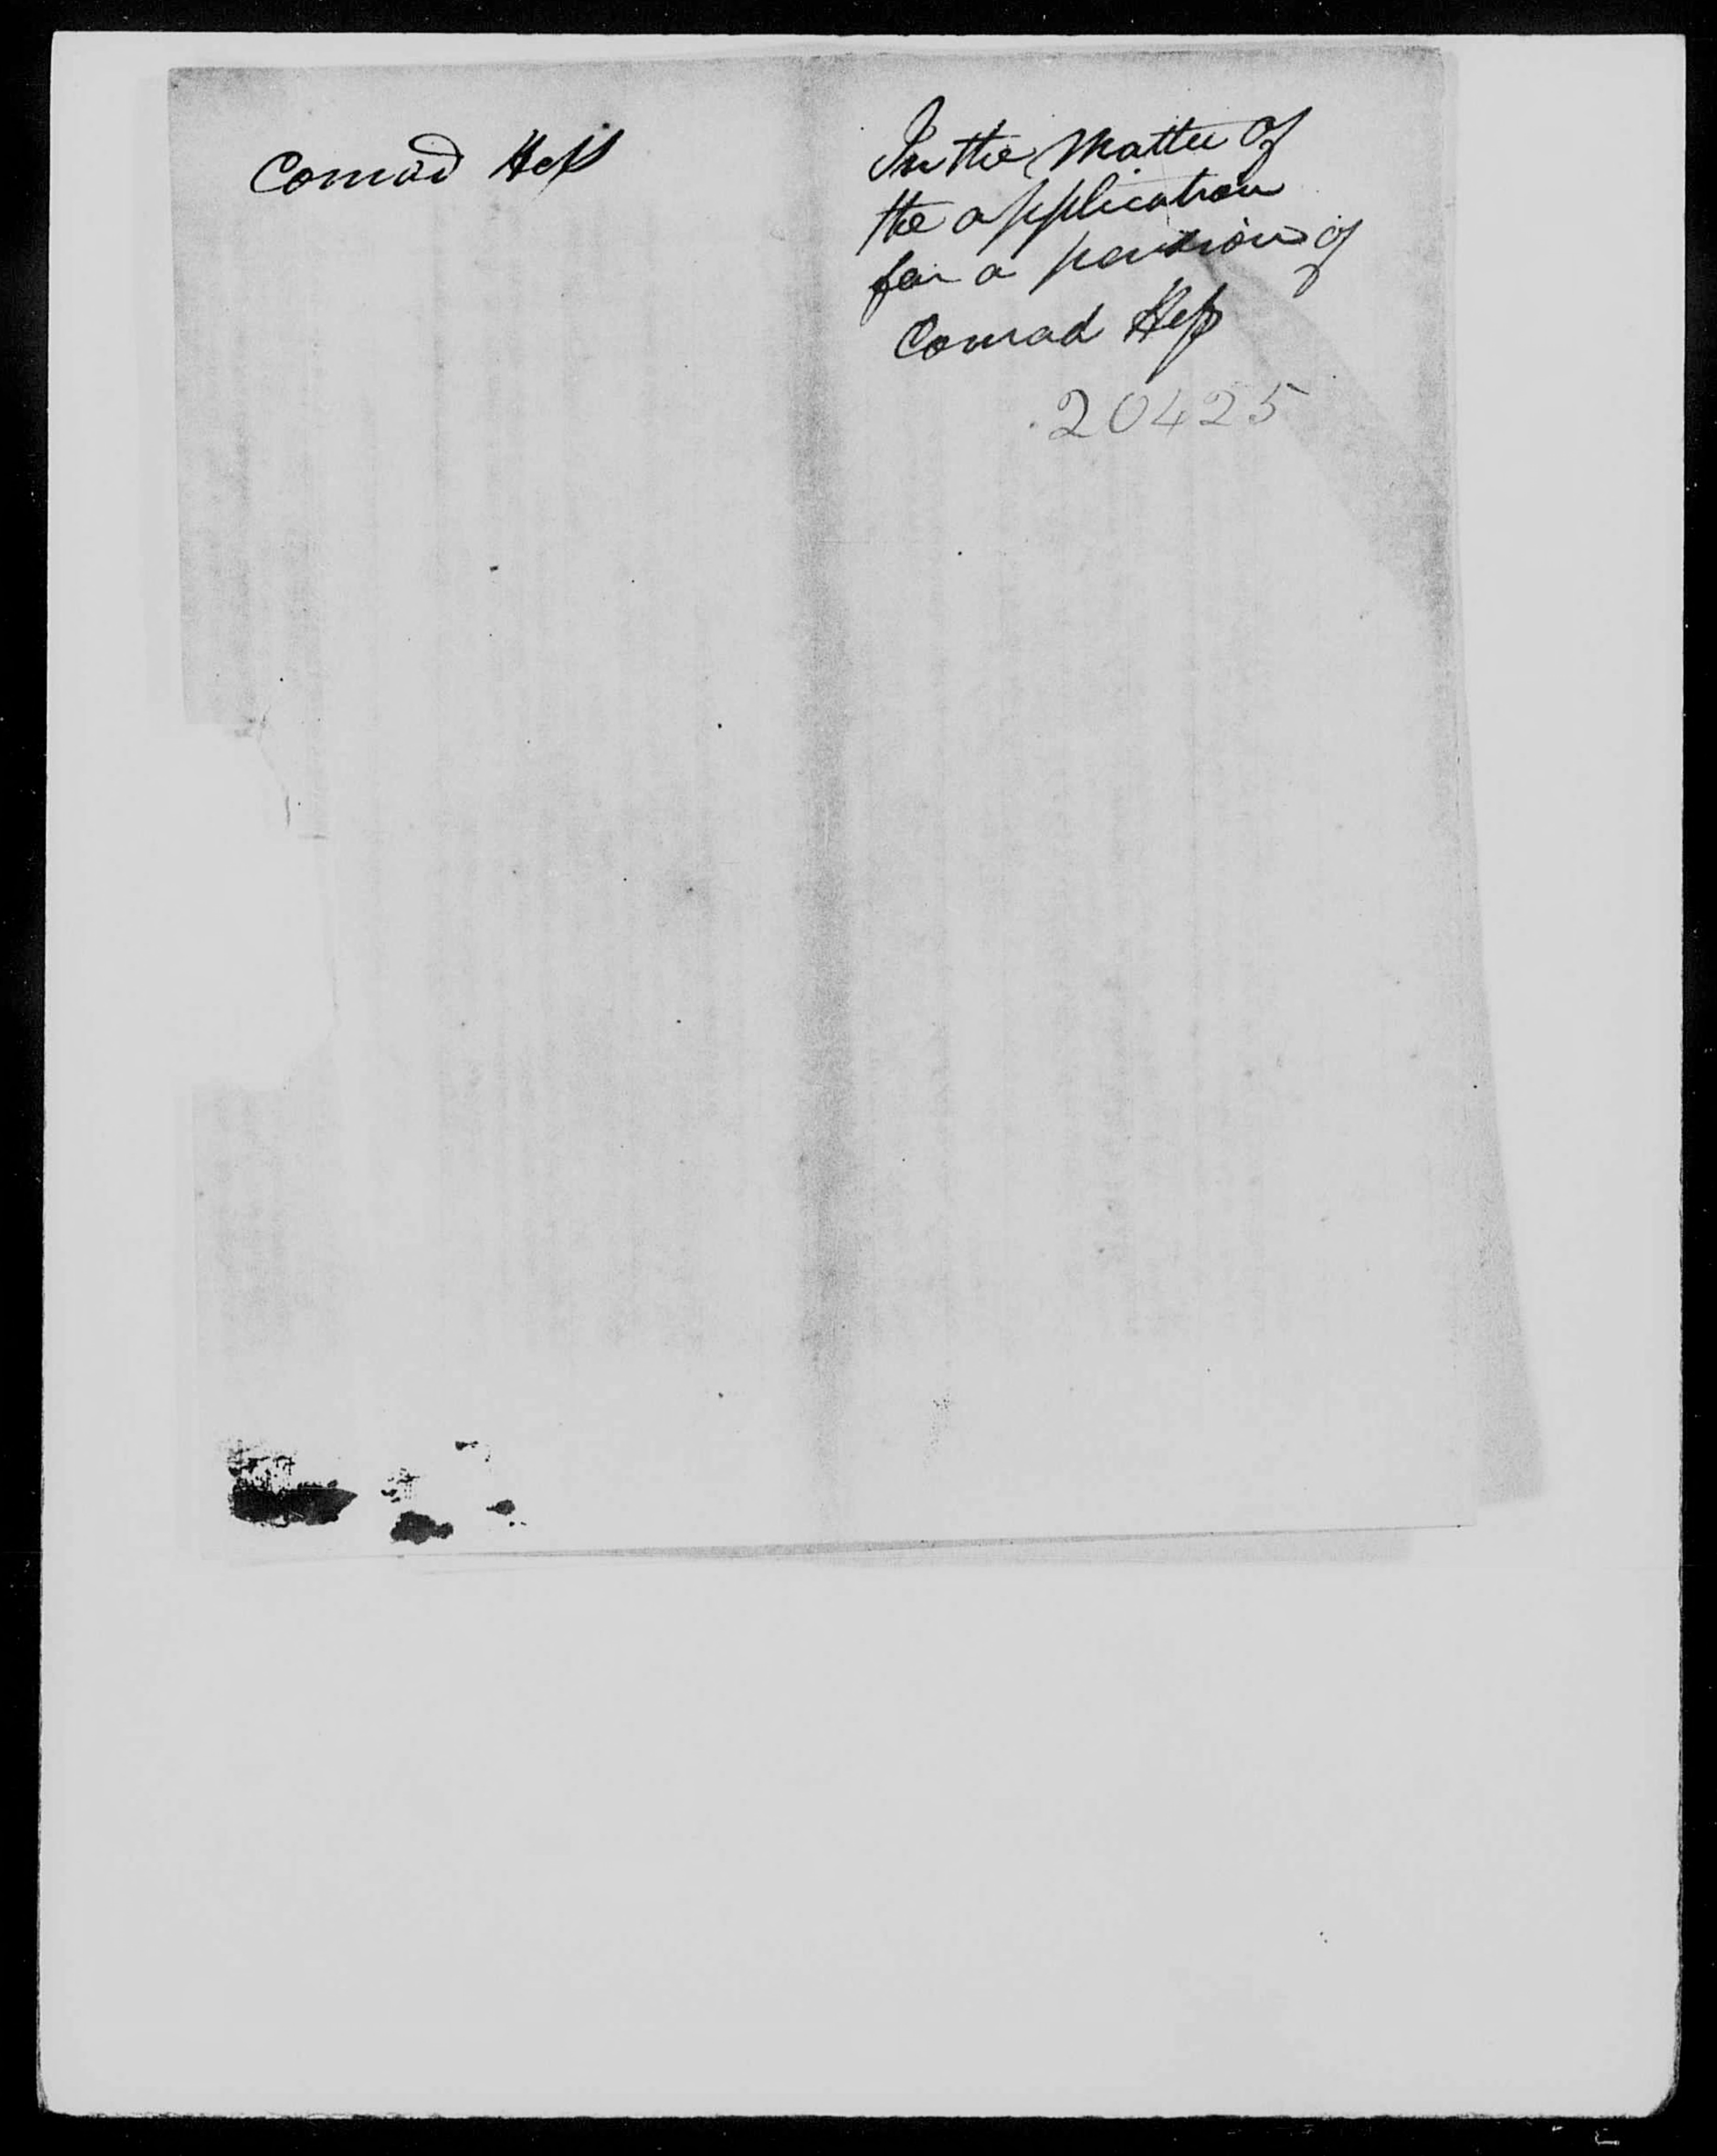[handwritten]

Conrad Hess

In the matter of the application for a pension of Conrad Hess
20425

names: Conrad Hess, Conrad Hess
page: 2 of 30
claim: rejected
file: R. 4927, Conrad Hess, New York